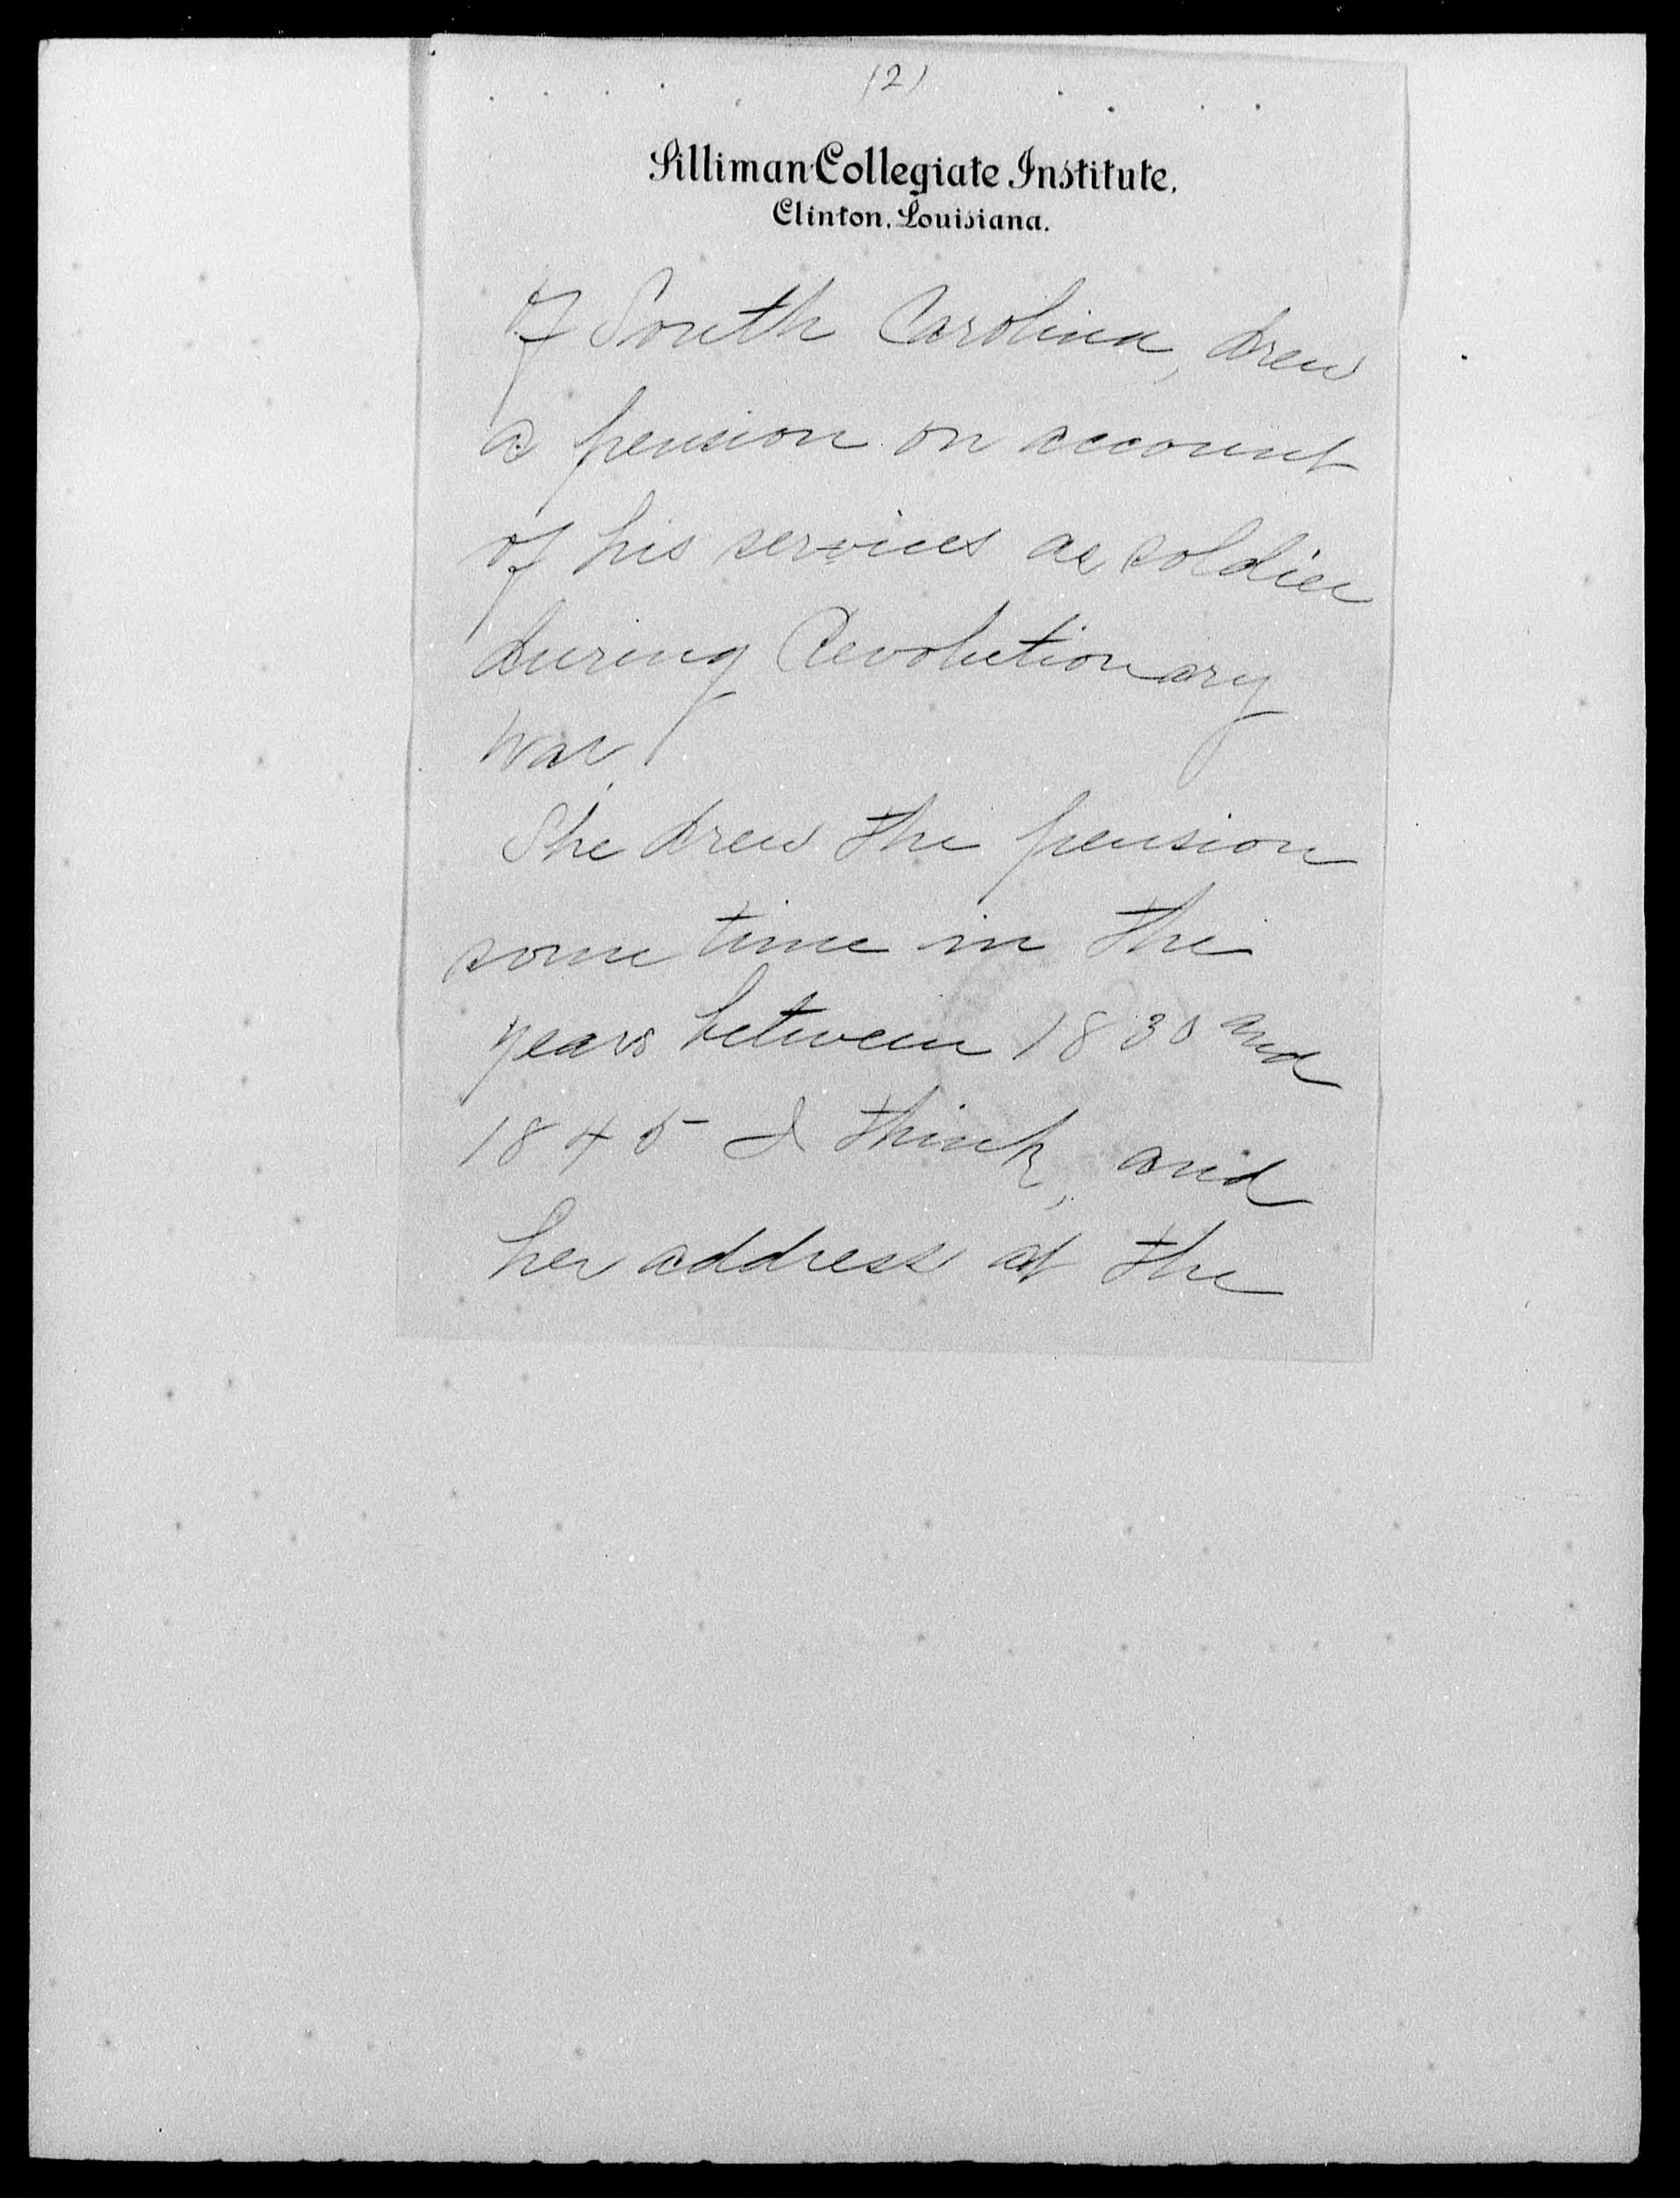(2 )
Silliman-Collegiate Institute.
Clinton, Louisiana.

of South Carolina, drew
a pension on account
of his services as soldier
during Revolutionary War

She drew the pension
some time in the
years between 1830 and
1845 - I think and
her address at the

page: 70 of 72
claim: widow's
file: W. 897, Thomas Broughton, S.C.